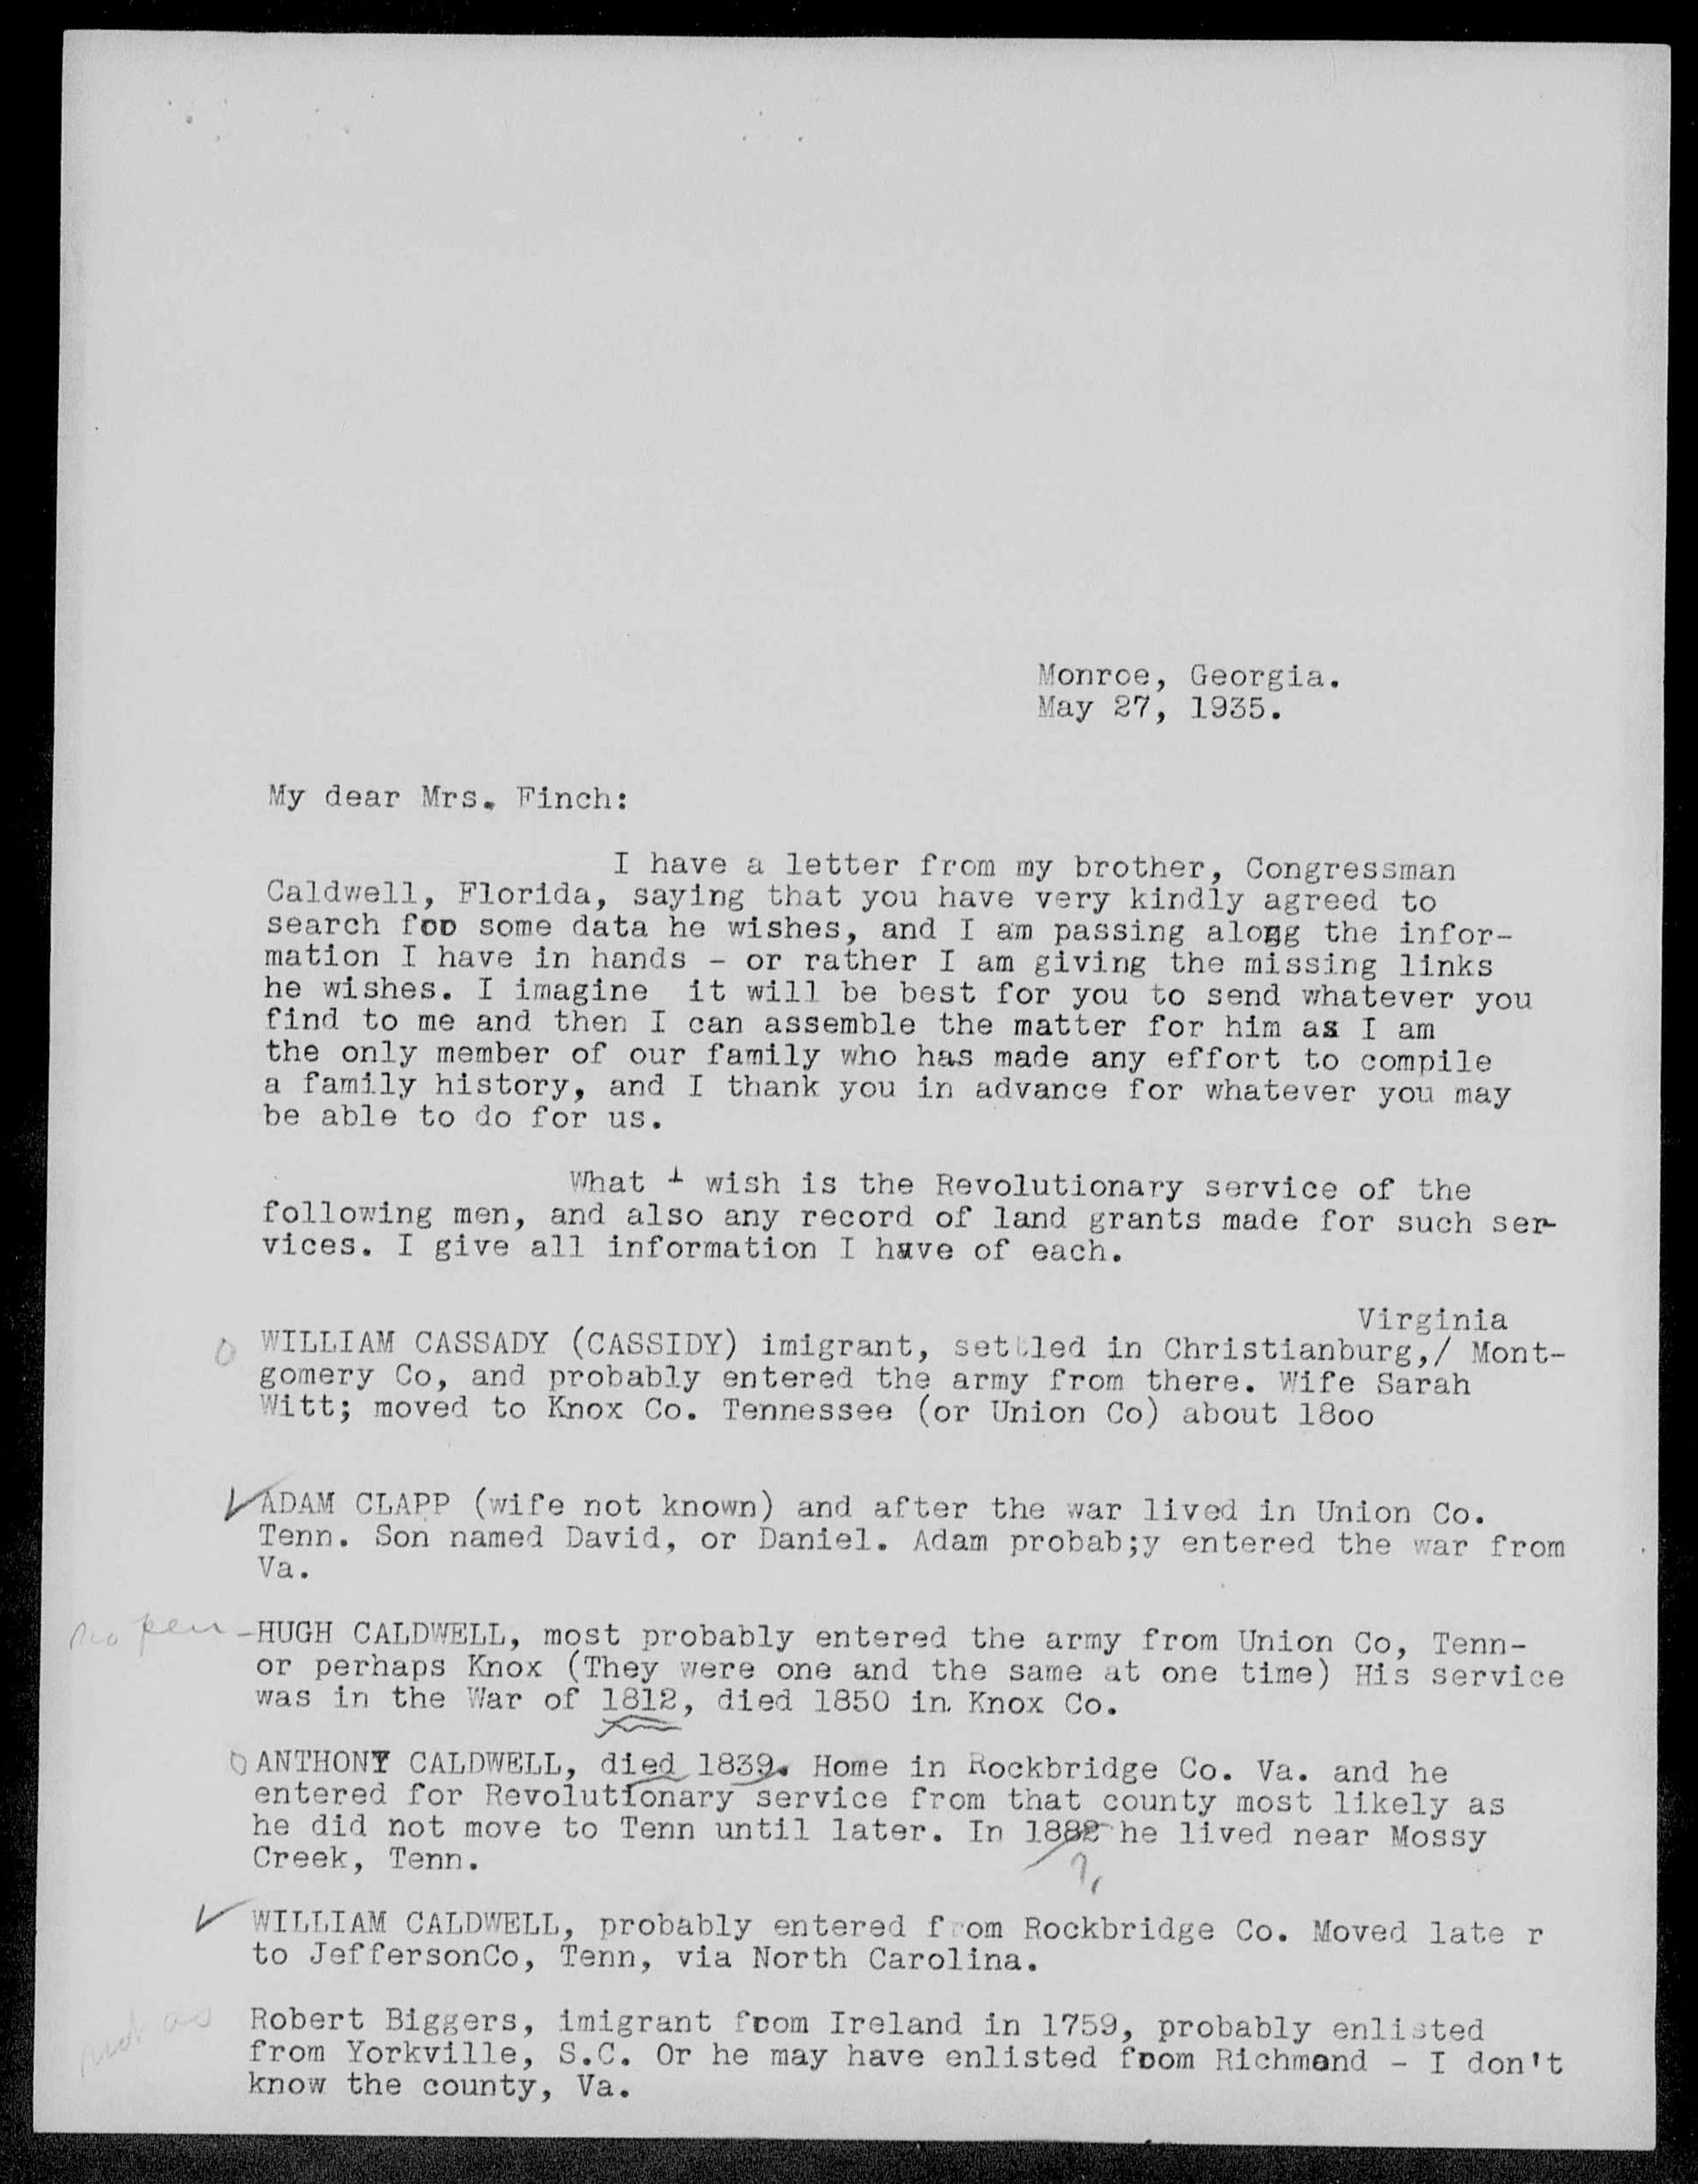Monroe, Georgia.
May 27, 1935.

My dear Mrs. Finch:

I have a letter from my brother, Congressman
Caldwell, Florida, saying that you have very kindly agreed to
search for some data he wishes, and I am passing along the infor-
mation I have in hands -- or rather I am giving the missing links
he wishes. I imagine it will be best for you to send whatever you
find to me and then I can assemble the matter for him as I am
the only member of our family who has made any effort to compile
a family history, and I thank you in advance for whatever you may
be able to do for us.

What I wish is the Revolutionary service of the
following men, and also any record of land grants made for such ser-
vices. I give all information I have of each.

WILLIAM CASSADY ( CASSIDY) imigrant [immigrant], settled in Christianburg, Virginia Mont-
gomery Co, and probably entered the army from there.  Wife Sarah
Witt; moved to Knox Co. Tennessee (or Union Co) about 1800

ADAM CLAPP (wife not known) and after the war lived in Union Co.
Tenn. Son named David, or Daniel. Adam probably entered the war from
Va.

HUGH CALDWELL, most probably entered the army from Union Co, Tenn-
or perhaps Knox (They were one and the same at one time) his service
was in the War of 1812, died 1850 in Knox Co.

ANTHONY CALDWELL, died 1839. Home in Rockbridge Co. Va. and he
entered for Revolutionary service from that county most likely as
he did not move to Tenn until later. In 1882 he lived near Mossy
Creek, Tenn.

WILLIAM CALDWELL, probably entered from Rockbridge Co. Moved later 
to Jefferson Co, Tenn, via North Carolina.

Robert Biggers, imigrant [immigrant] from Ireland in 1759, probably enlisted
from Yorkville, S.C. Or he may have enlisted from Richmond -- I don't
know the county, Va.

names: Finch, William Cassady, William Caldwell, Caldwell, Adam, Daniel, William Cassidy, David, Robert Biggers, Anthony Caldwell, Hugh Caldwell, Adam Clapp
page: 20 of 23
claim: survivor's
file: S. 30,937, Adam Clapp, N.C.